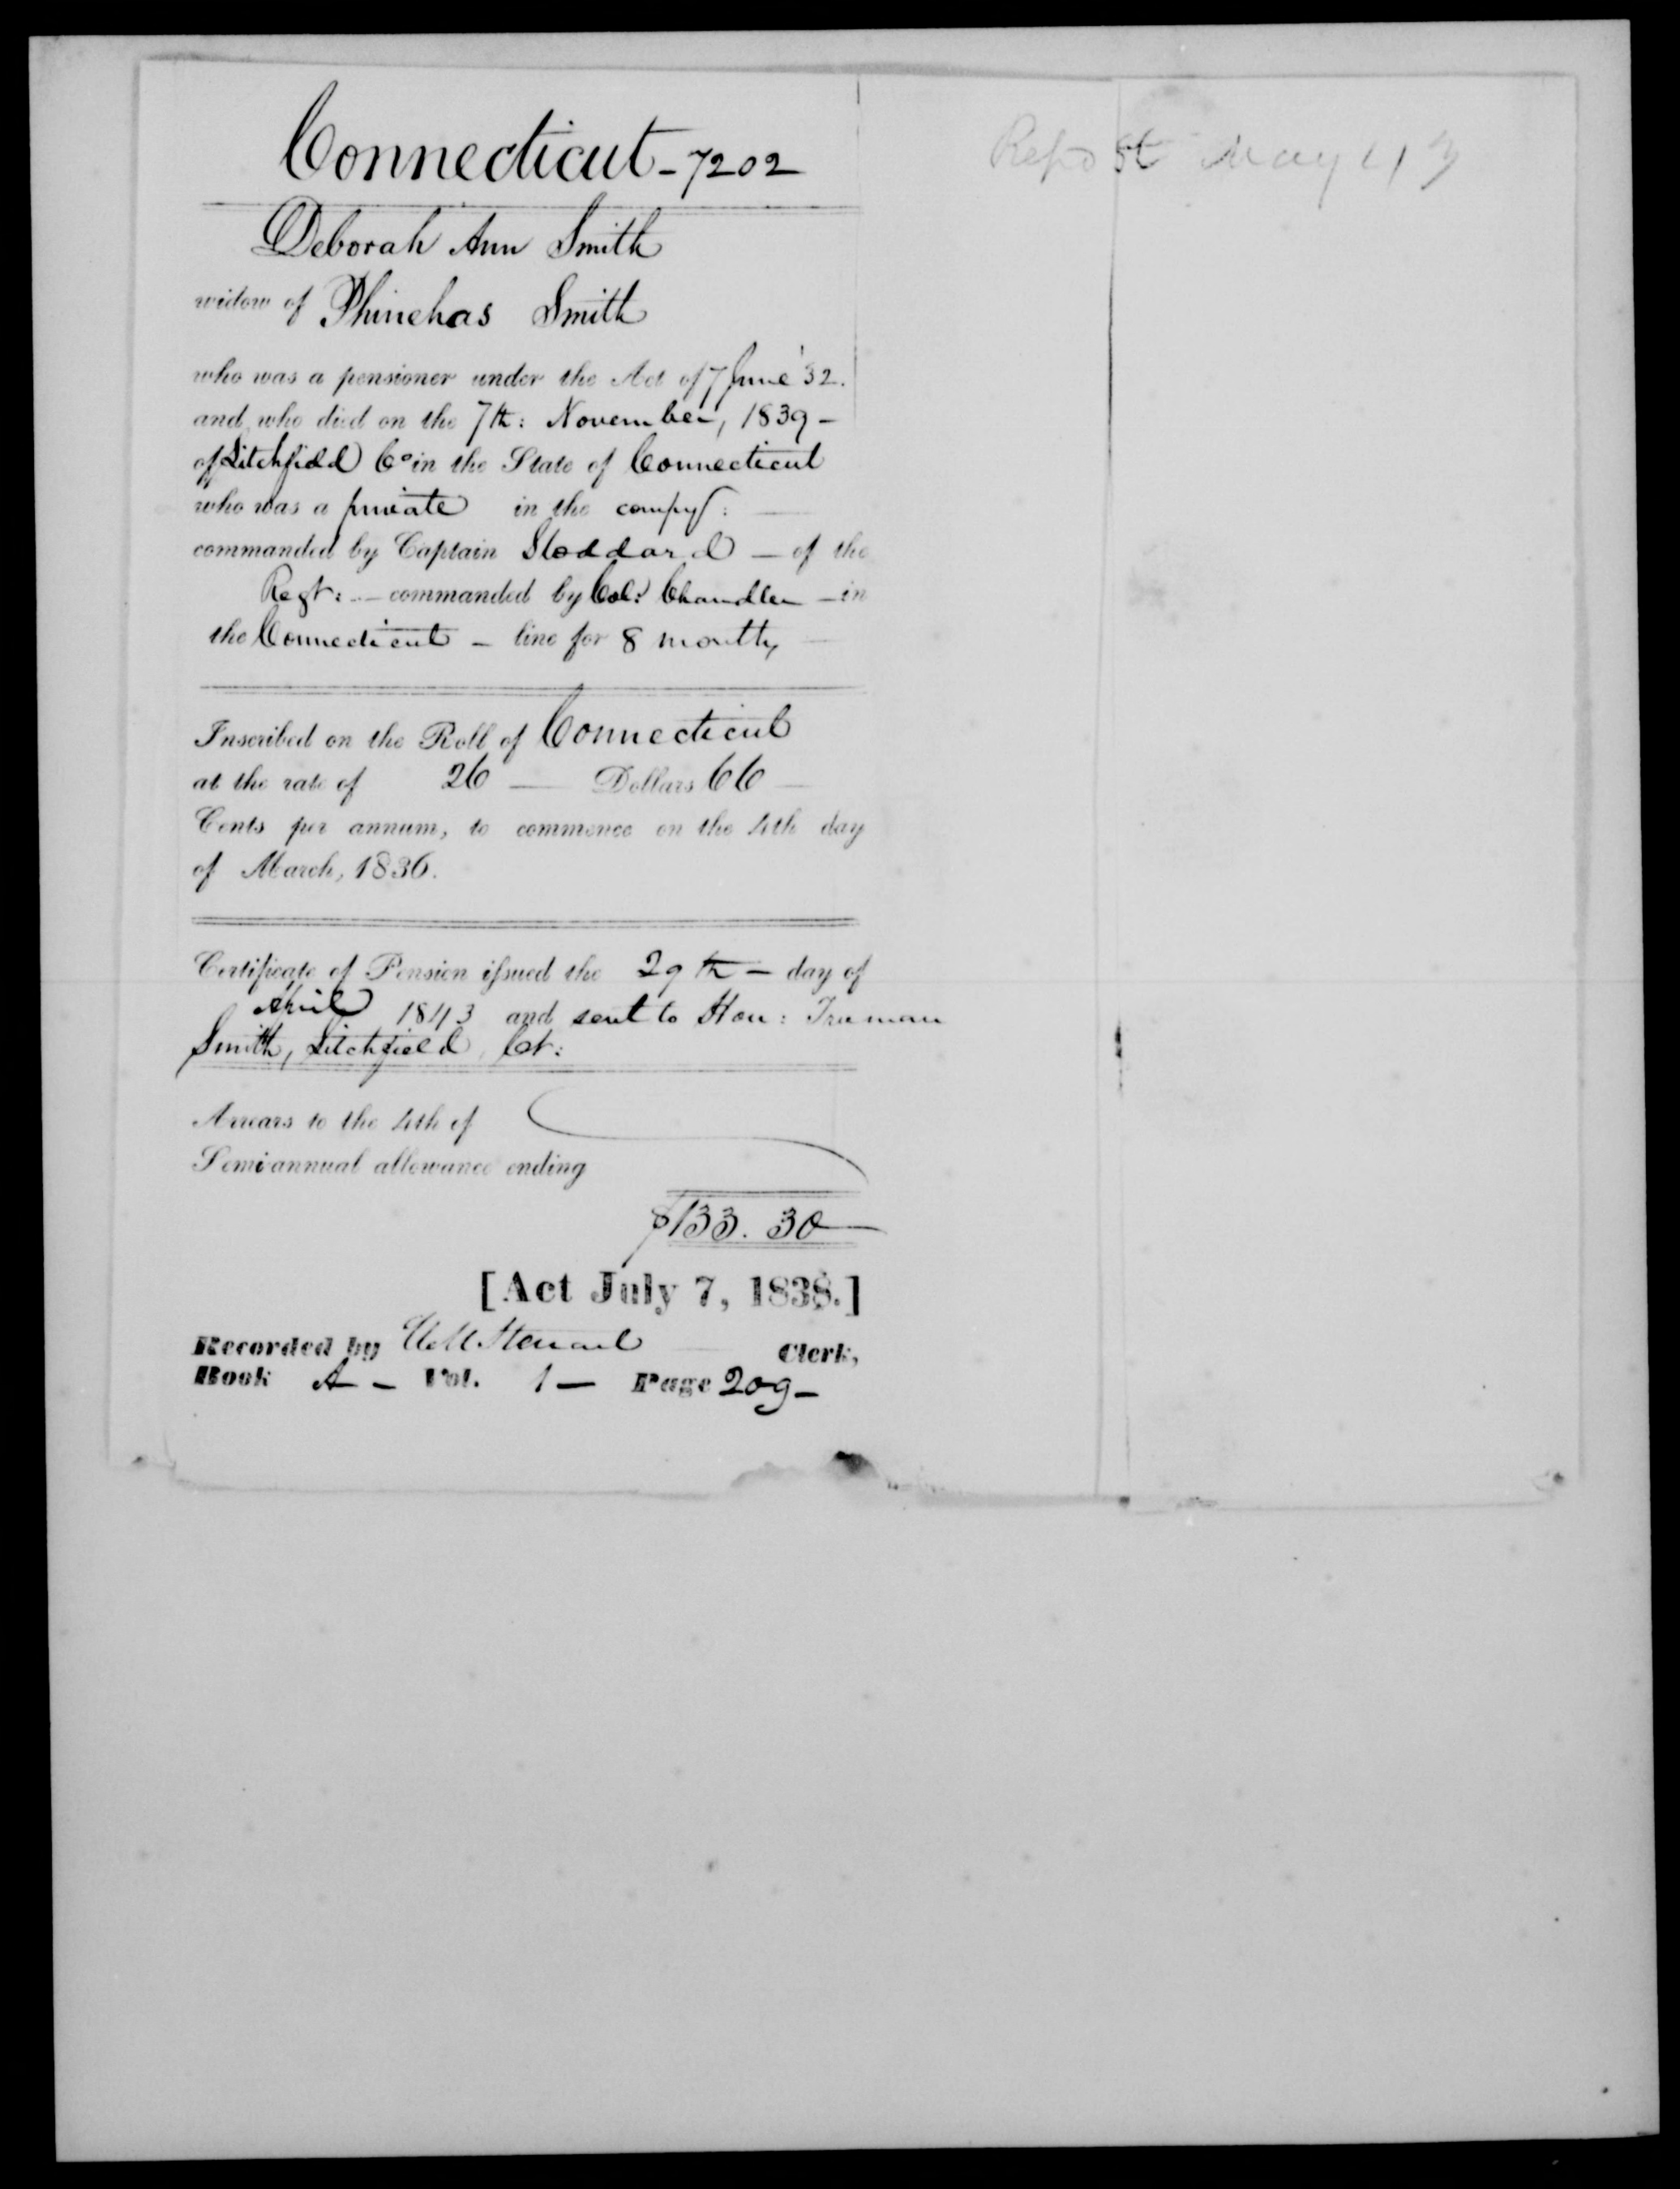Connecticut 7202 
Deborah Ann Smith 
widow of Phinehas Smith who was a pensioner under the Act of 7 June 32. and who died on the 7th. November, 1839  of Litchfield Co in the State of Connecticut who was a private in the compy commanded by Captain Stoddard of the Regt. commanded by Col. Chandler in the Connecticut  line for 8 months.   
Inscribed on the Roll of Connecticut at the rate of 26. Dollars 66 Cents per annum, to commence on the 4th day of March, 1836 
Certificate of Pension issued the 29th day of April 1843 and sent to Hon. Truman Smith Litchfield Ct. 
Arrears to the 4th of – 
Semiannual allowance ending -  
$133.30 
[Act July 7, 1838.] 
Recorded by W.  M. Steuart  Clerk, 
Book A. Vol 1 Page 209 
Rept [reported] [unreadable] May 43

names: Deborah Ann Smith; Truman Smith; [BLANK] Chandler; Phinehas Smith; [BLANK] Stoddard; W M Steuart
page: 24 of 55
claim: widow's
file: W. 11480, for Phinehas Smith, Connecticut